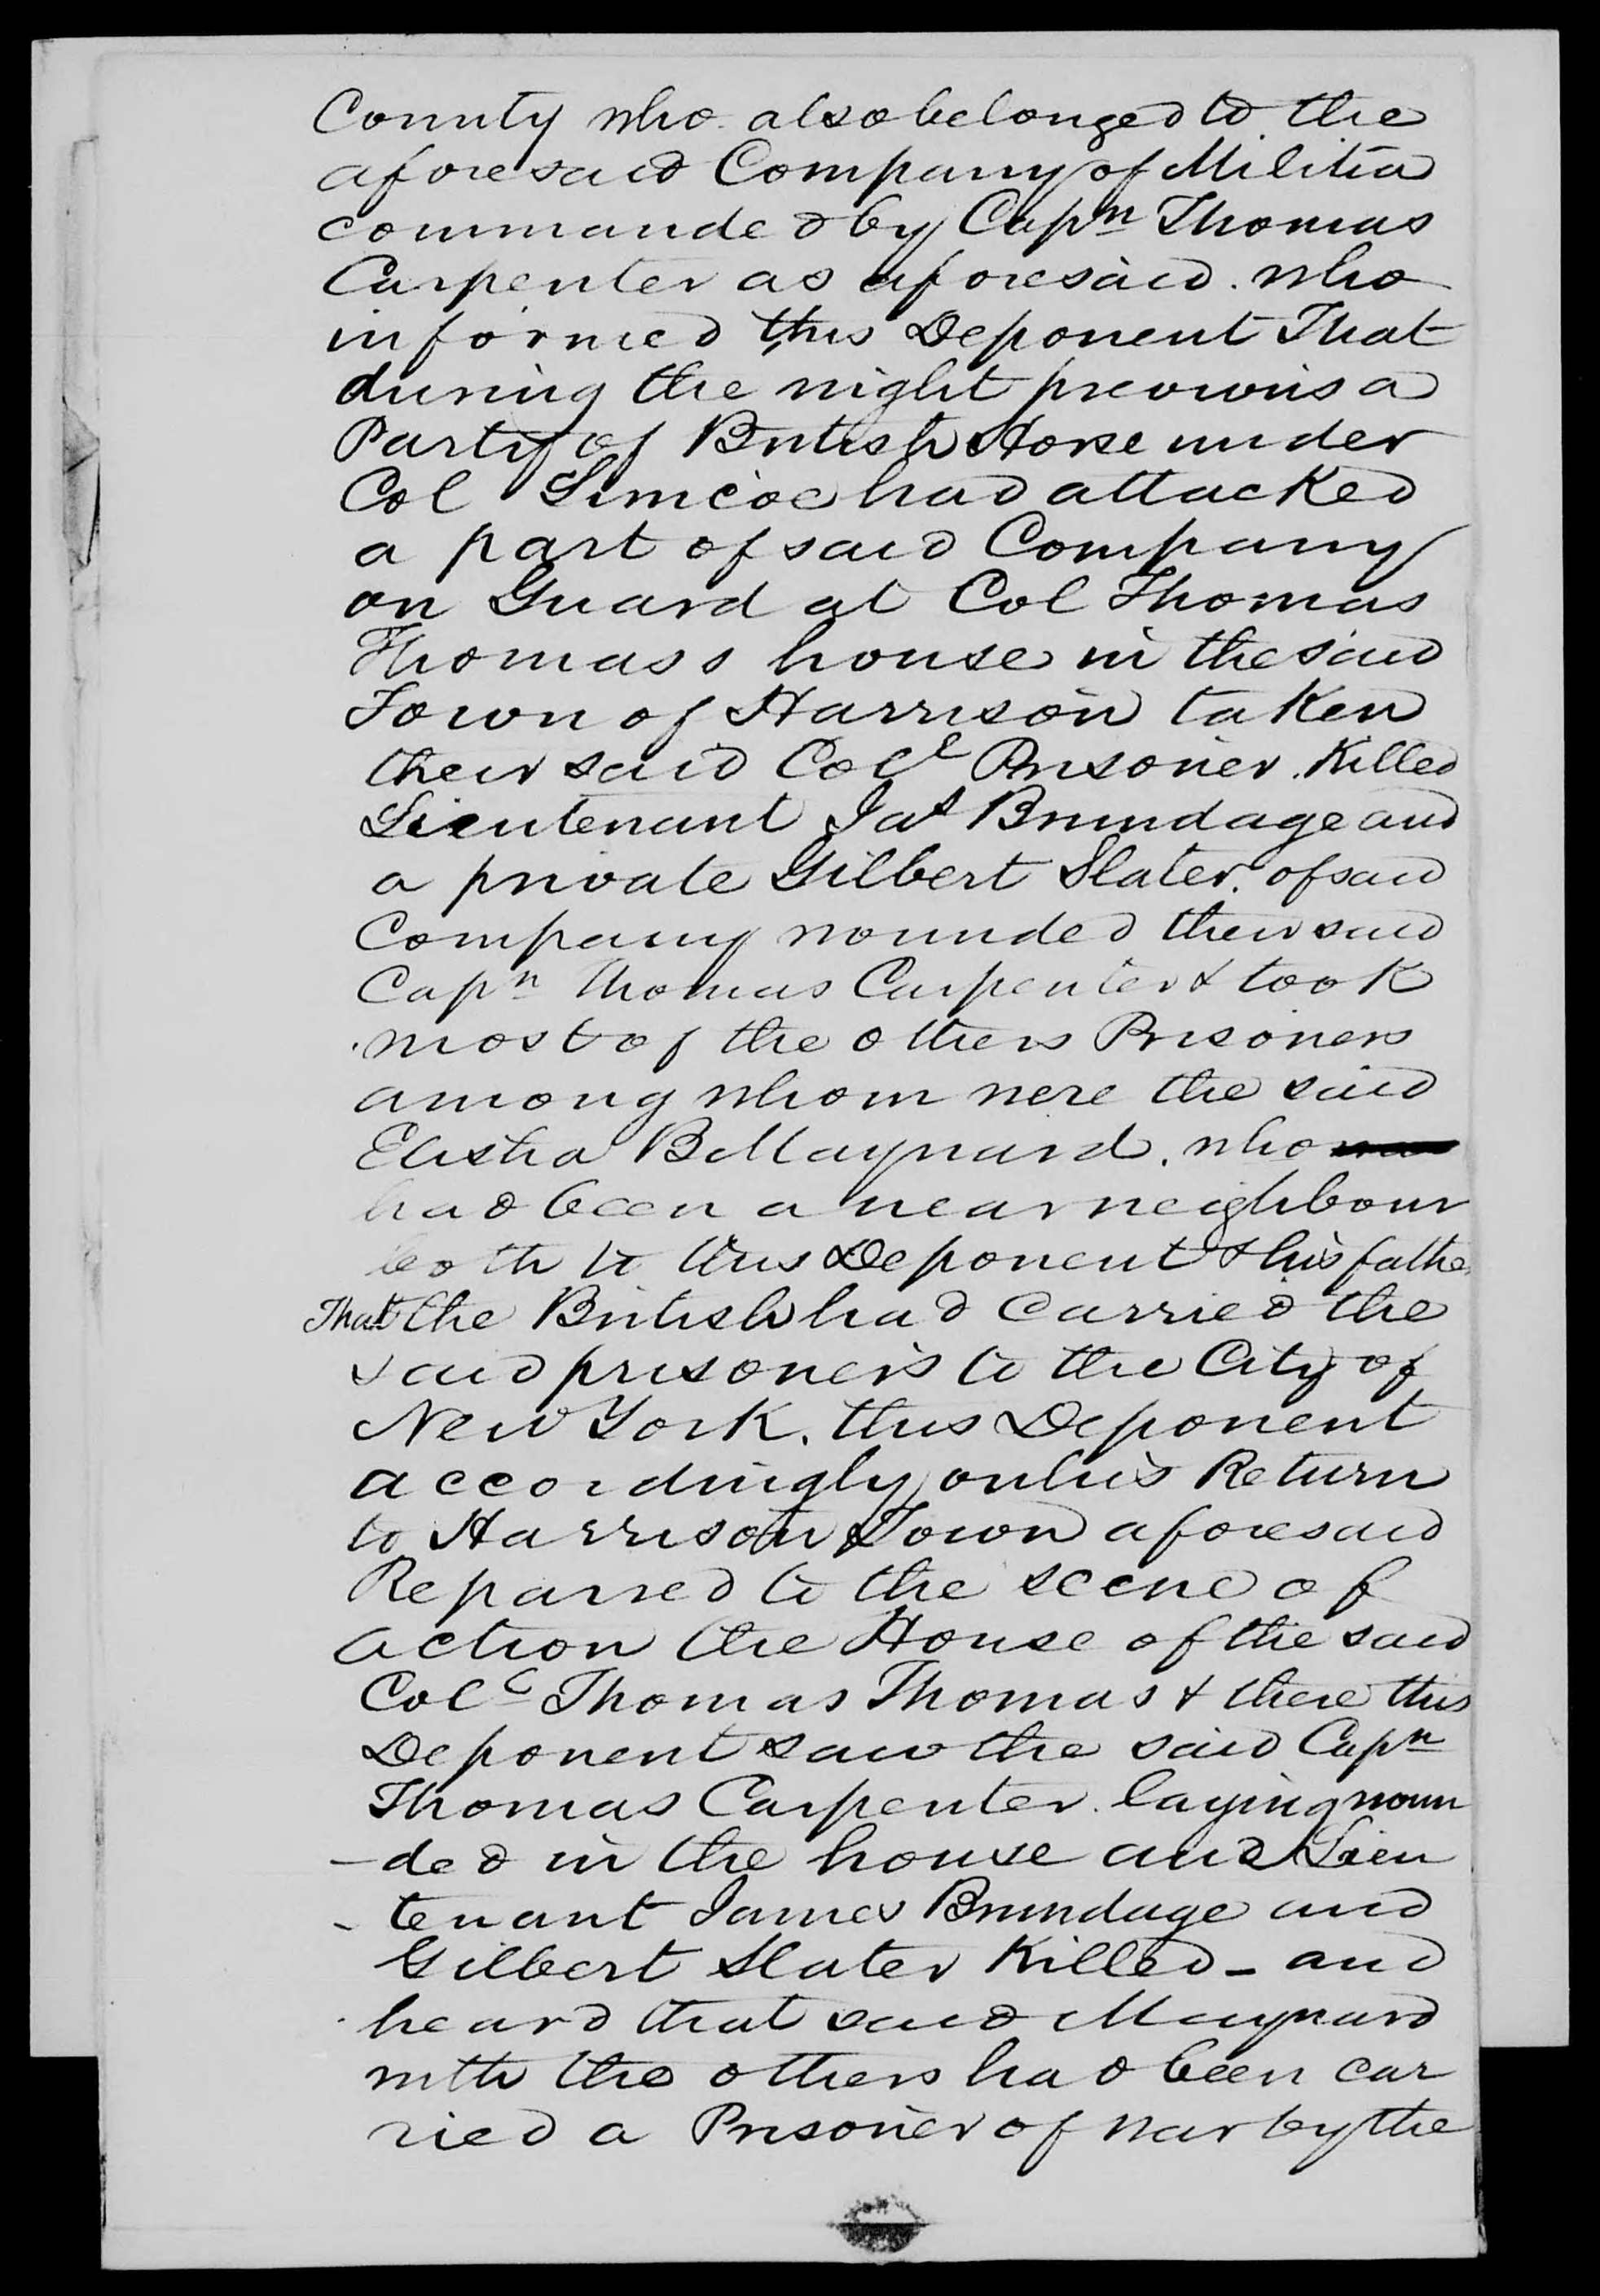County who also belonged to the aforesaid Company of Militia commanded by Capt Thomas Carpenter as aforesaid who informed this deponent That during the night previous a Party of British Horse under Col Simcoe had attacked a part of said Company on Guard at Col Thomas Thomass house in the said Town of Harrison taken their said Col Prisoner, Killed Lieutenant Jas Brundage and a private Gilbert Slater of said Company rounded their said Capt Thomas Carpenter & took most of the others Prisoners among whom were the said Elisha B Maynard, who had been a near neighbour both to this Deponent & his father. That the British had carried the said prisoners to the City of New York, this Deponent accordingly on his Return to Harrison Town aforesaid Reparred [sic] to the scene of action the House of the said Col Thomas Thomas & there this Deponent saw the said Capt Thomas Carpenter laying wounded in the house and Lieutenant James Brundage and Gilbert Slater Killed - and heard that said Maynard with the others had been carried a Prisoner of war by the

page: 30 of 33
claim: rejected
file: R. 7,063, for Elisha B Maynard, New York